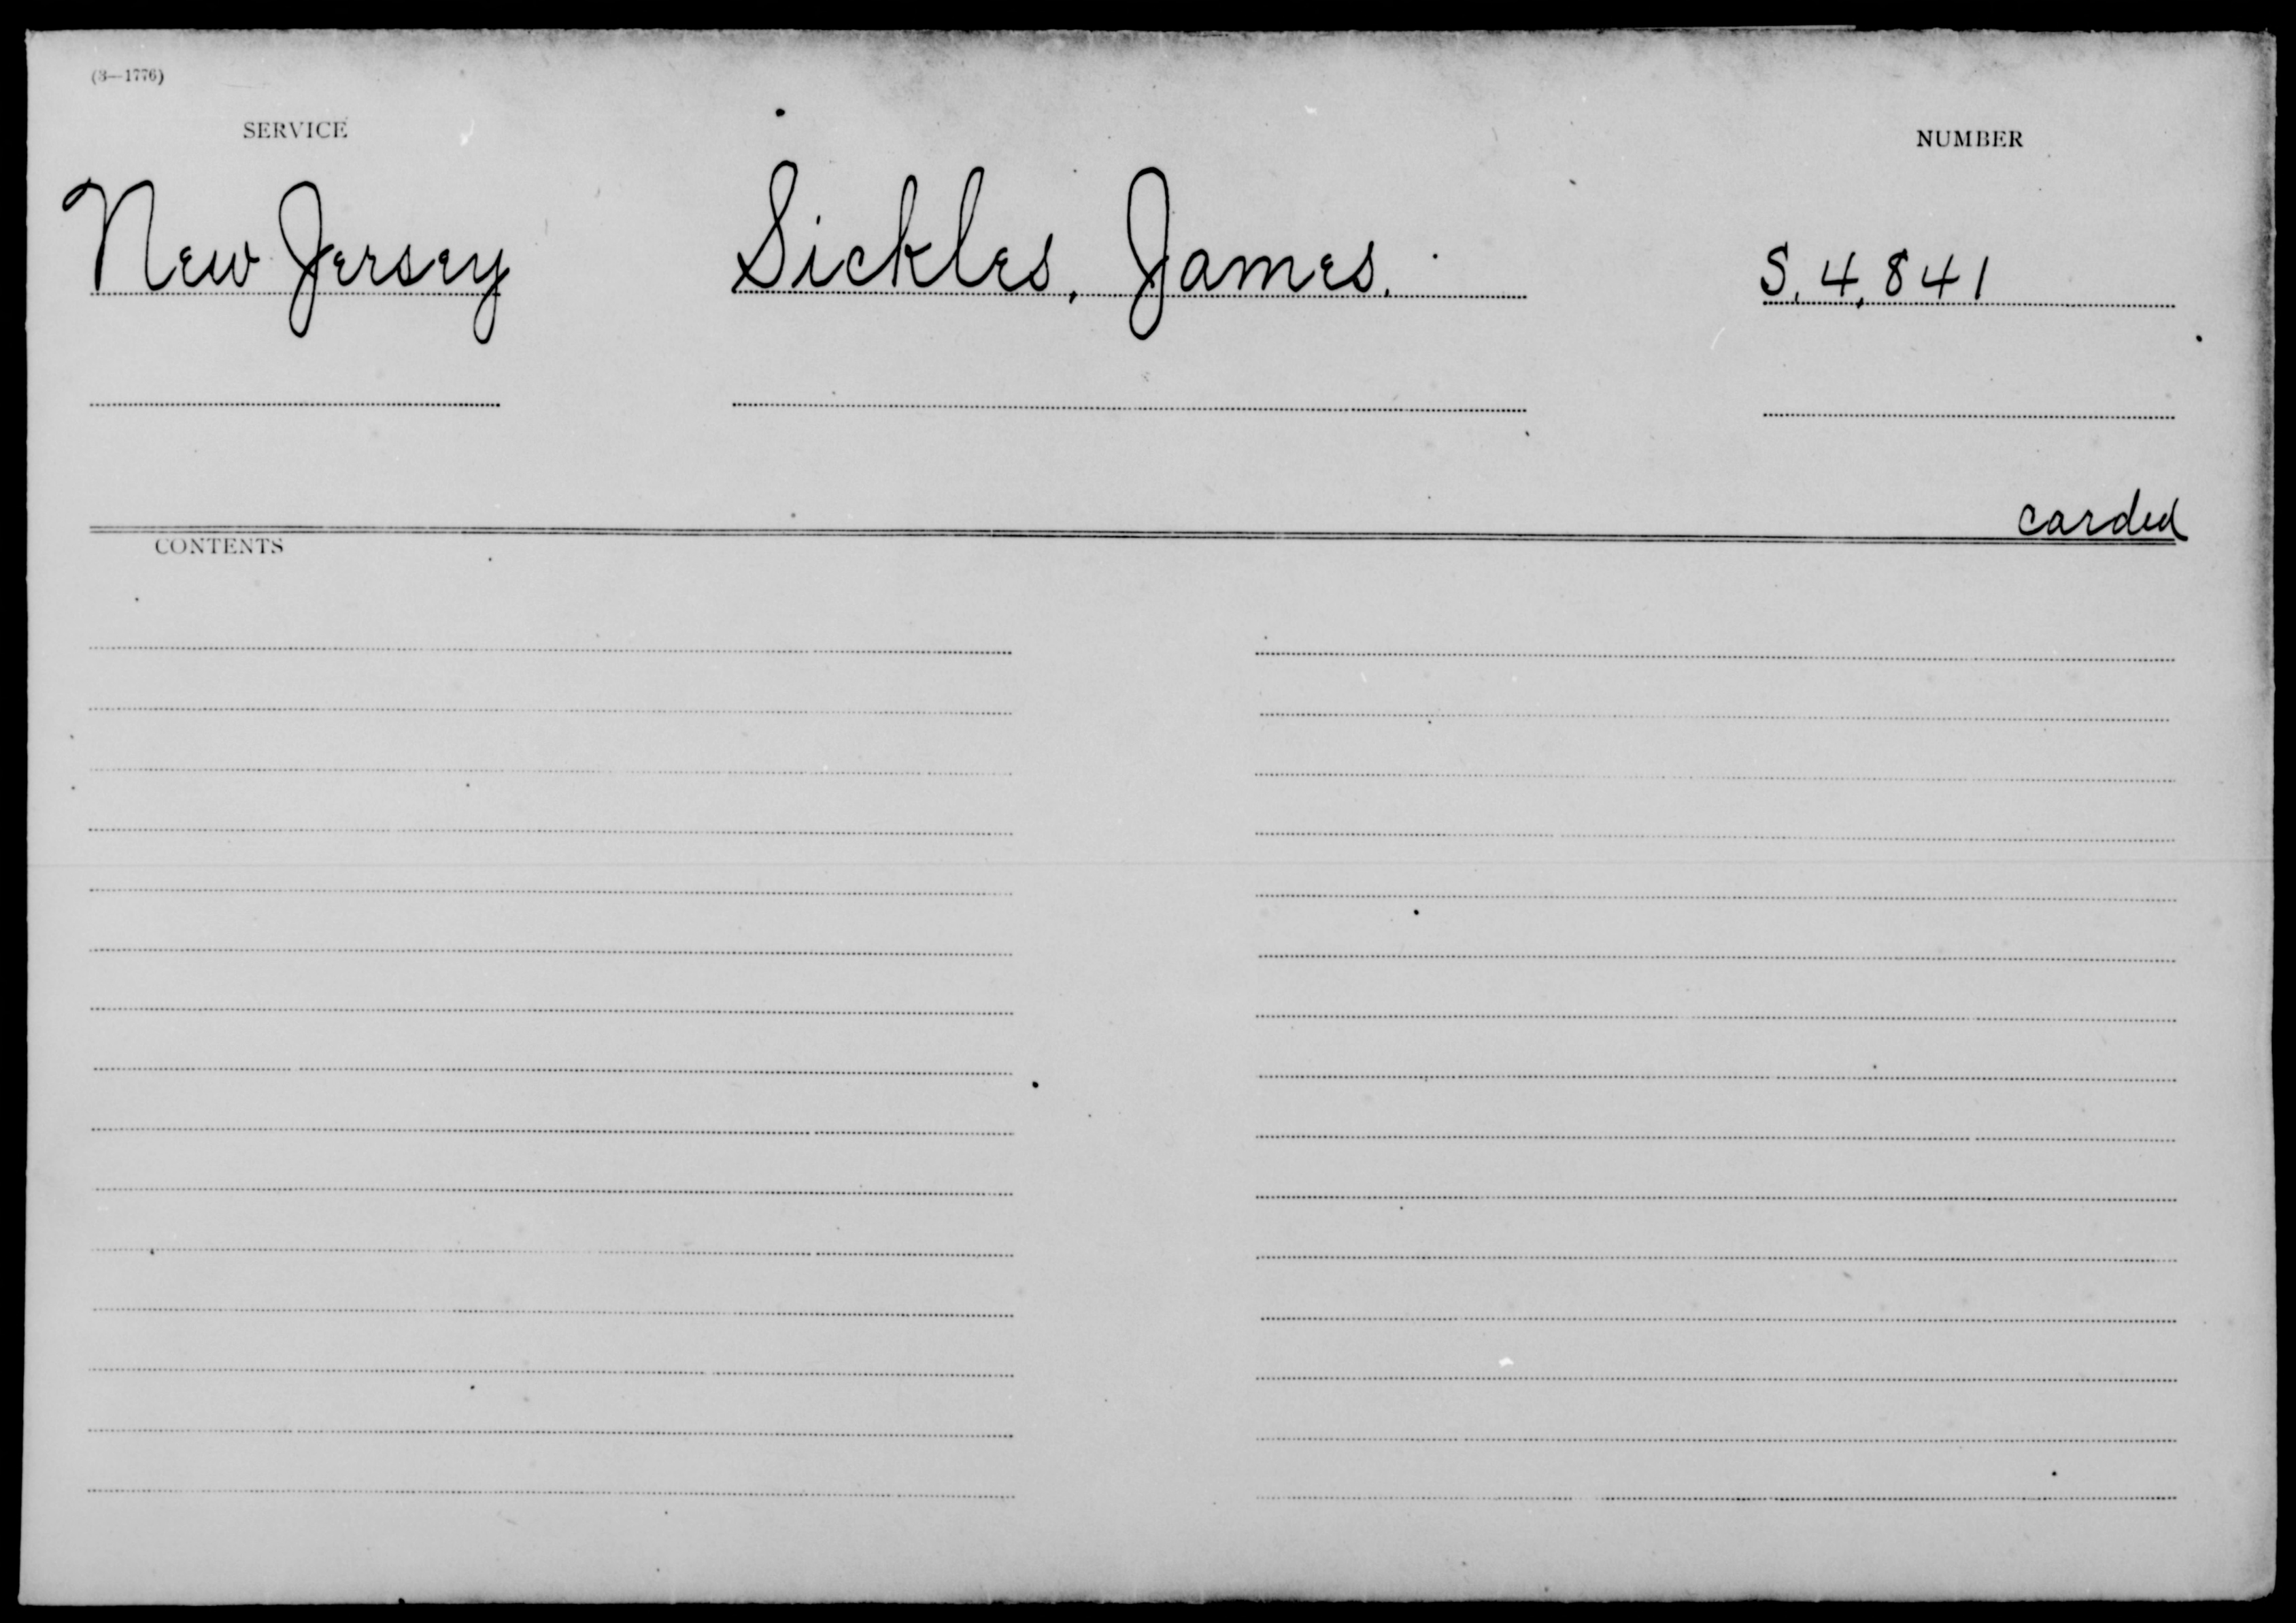SERVICE NUMBER
New Jersey Sickles, James S.4,841
carded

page: 1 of 33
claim: survivor's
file: S. 4,841, for James Sickles, New Jersey